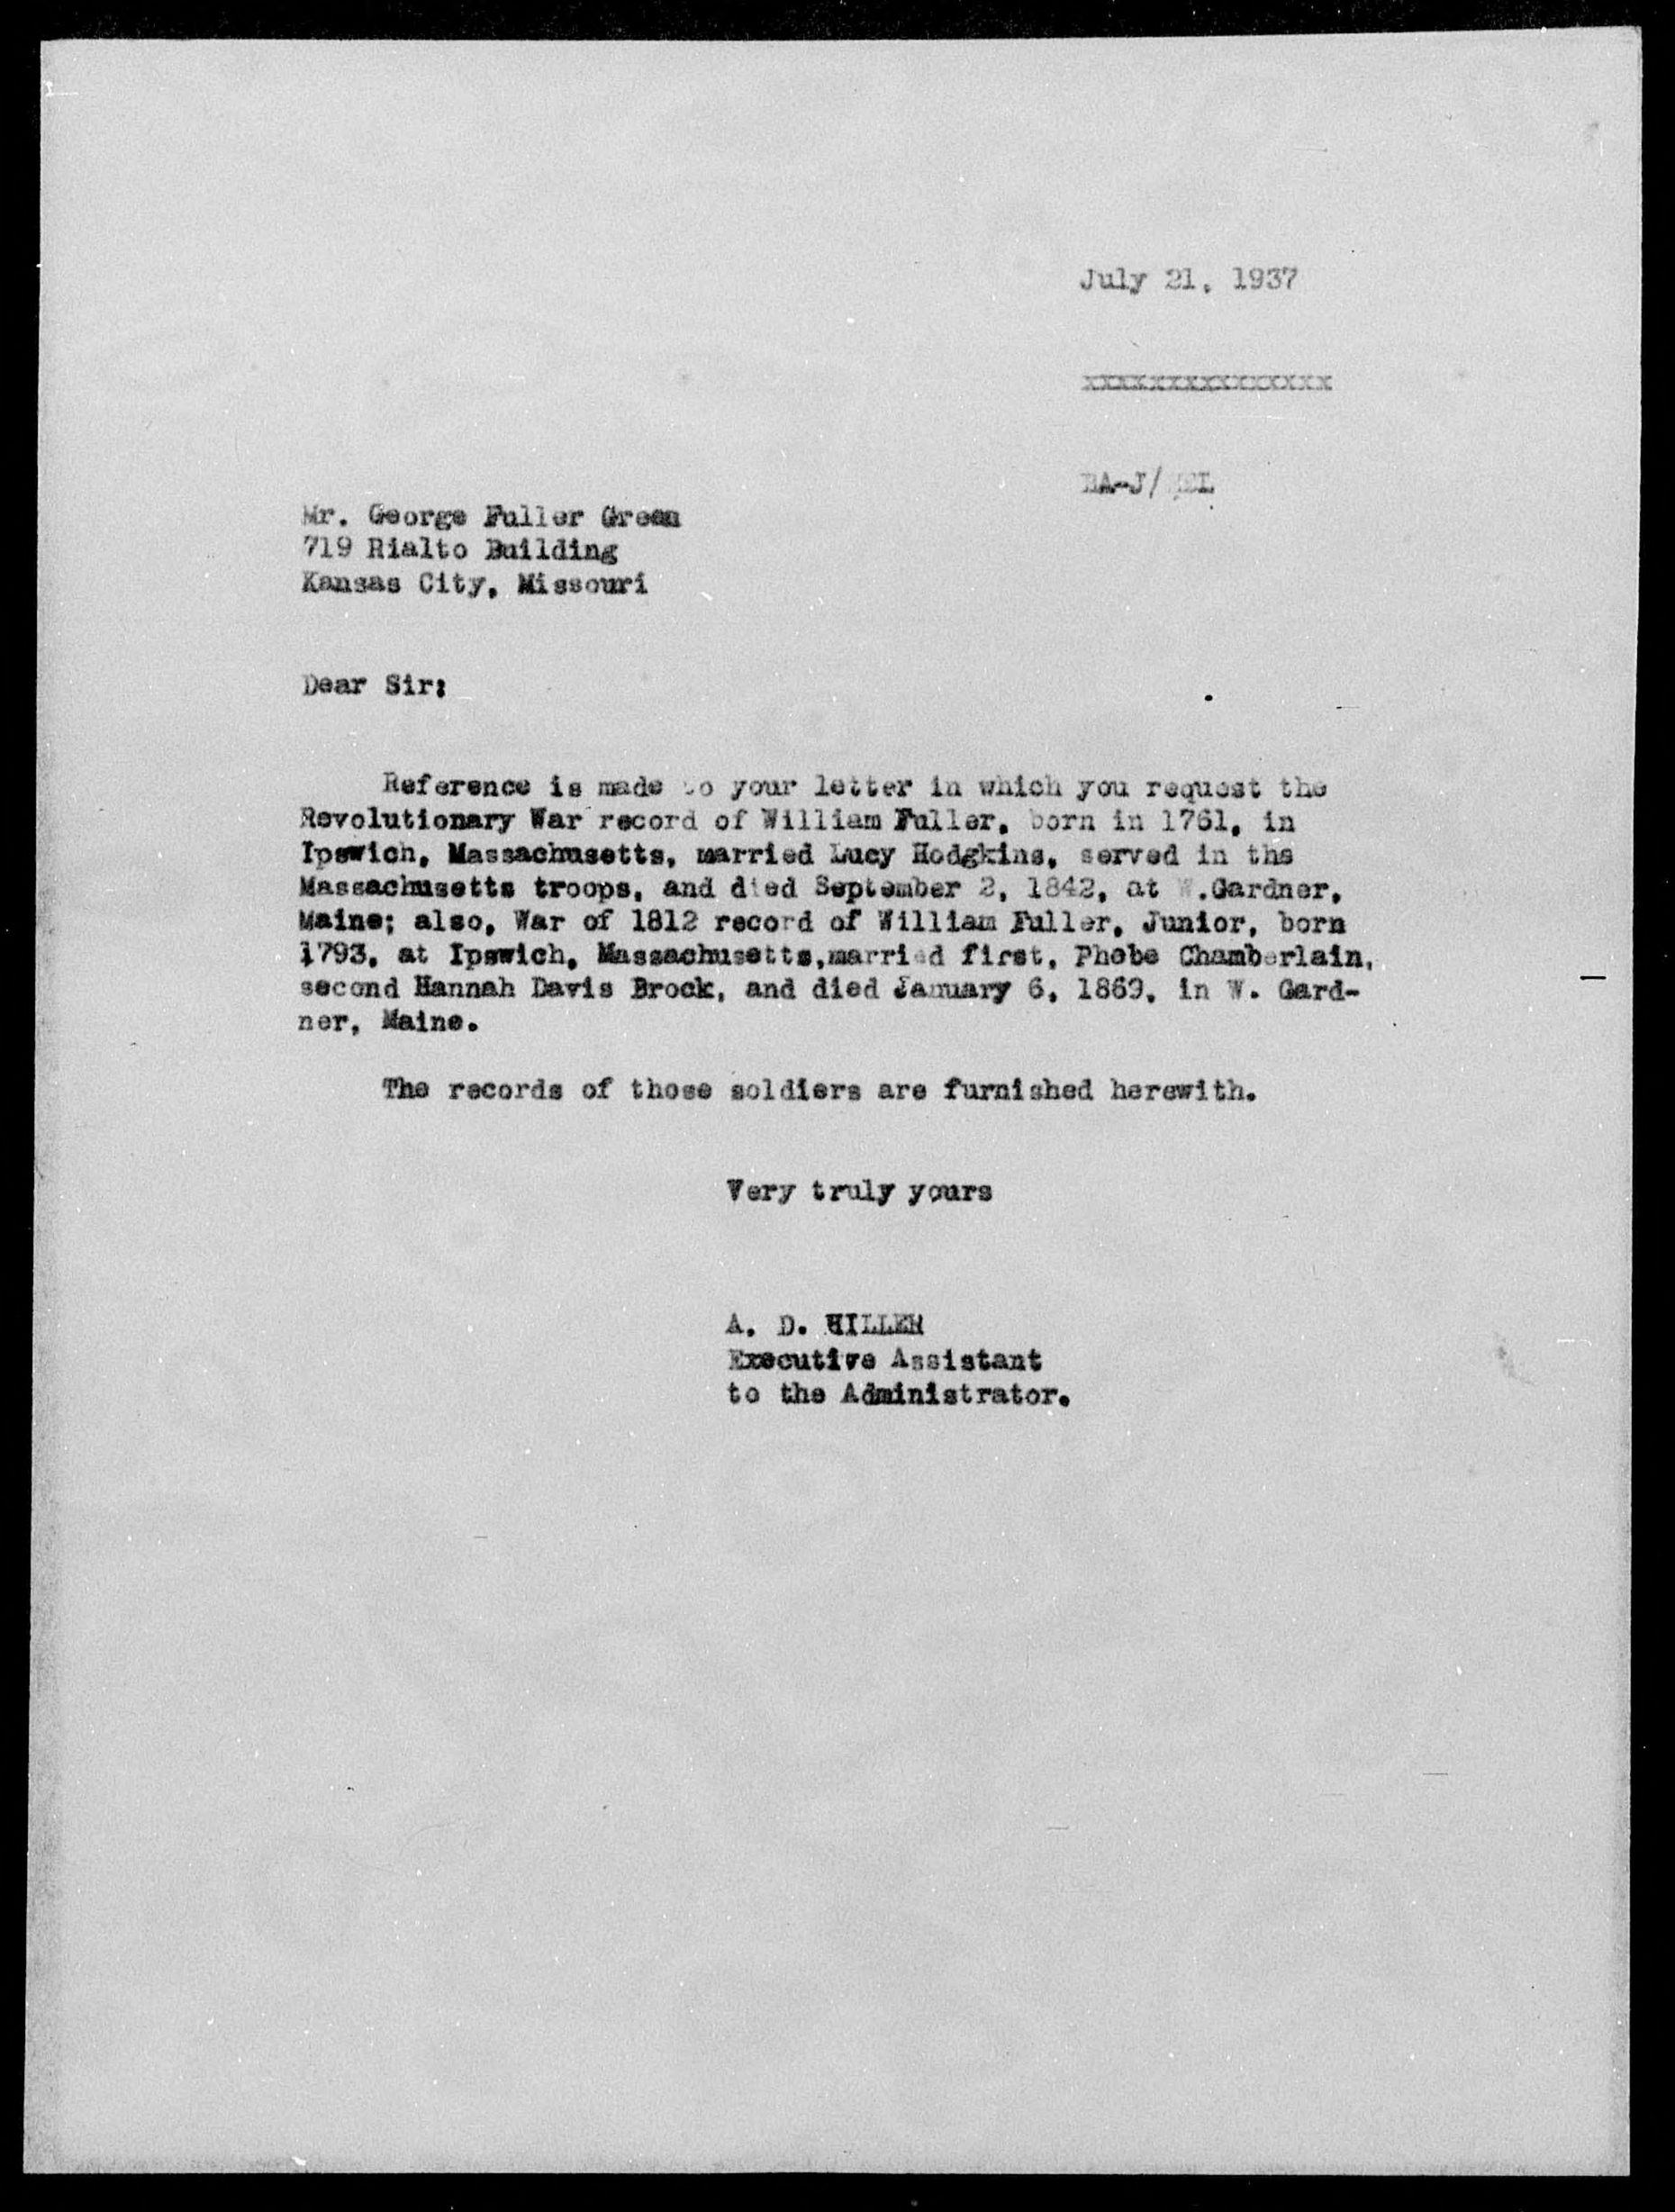July 21, 1937
xxxxxxxxxxxx
BA-J/HEL
Mr. George Fuller Green
719 Rialto Building
Kansas City, Missouri
Dear Sir:
Reference is made to your letter in which you requested the Revolutionary War record of William Fuller, born in 1761, in Ipswich, Massachusetts, married Lucy Hodgkins, served in the Massachusetts troops, and died September 2, 1842, at W. Gardner, Maine; also, War of 1812 record of William Fuller, Junior, born 1793, at Ipswich, Massachusetts, married first, Phebe Chamberlain, second Hannah Davis Brock, and died January 6, 1869, in W. Gardner, Maine.
The records of those soldiers are furnished herewith.
Very truly yours
A. D. HILLER
Executive Assistant to the Administrator.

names: A D Hiller, Hannah Davis Brock, William Fuller, Phebe Chamberlain, Lucy Hodgkins, William Fuller, George Fuller Green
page: 35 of 45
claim: widow's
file: W. 17933, William Fuller, Mass